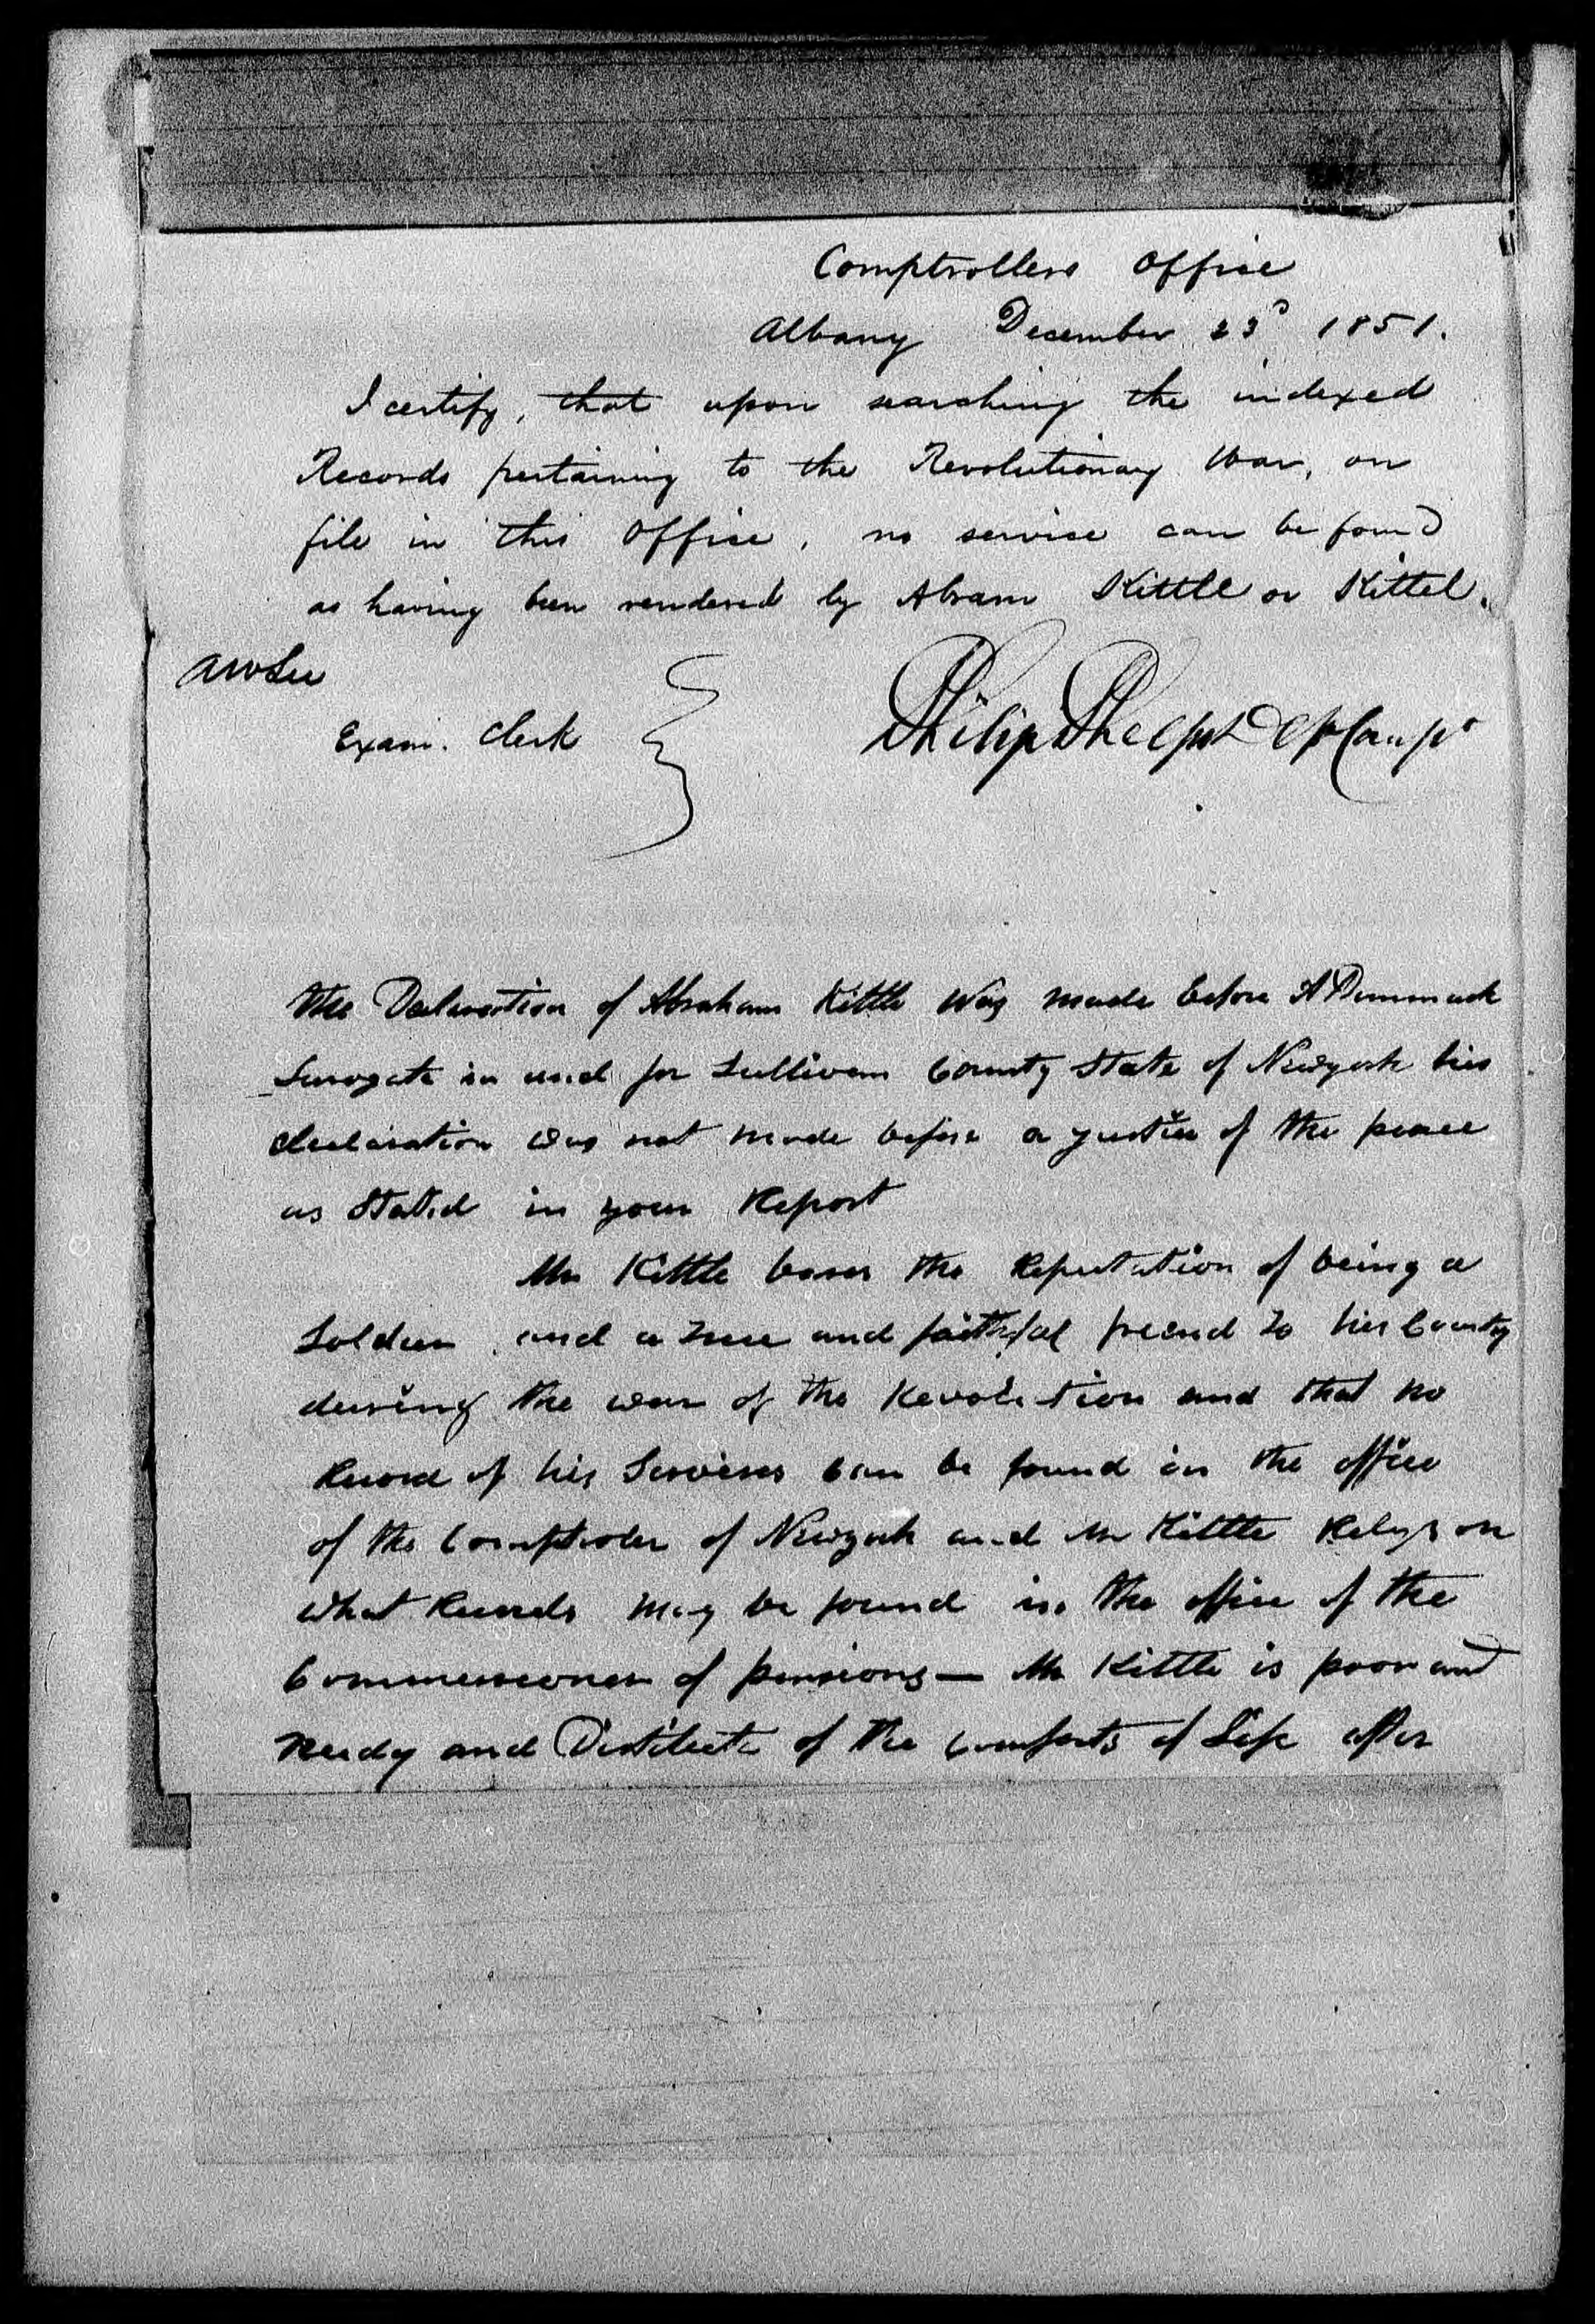Comptrollers Office 
Albany December 23d 1851 
I certify, that upon searching the indexed Records pertaining to the Revolutionary War, on file in this office, no service can be found as having been rendered by Abram Kittle or Kittel.
Exam. Clerk  Philip Phelps
 The Declaration of Abraham Kittle was made before A Dimmick Surrogate in and for Sullivan County State of New York his declaration was not made before a justice of the peace as stated in your report 
Mr. Kittle bases the reputation of being a Soldier and a true and faithful friend to his County during the war of the Revolution and that no Record of his services can be found in the office of the Comptroler of New
york and Mr. Kittle rely on what records may be found in the office of the Commissioner of pensions - Mr Kittle is poor and needy and destitute of the comforts of life after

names: Philip Phelps; Abram Kittel; Abraham Kittle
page: 17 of 18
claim: rejected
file: R. 6002, for Abraham Kittle, New York